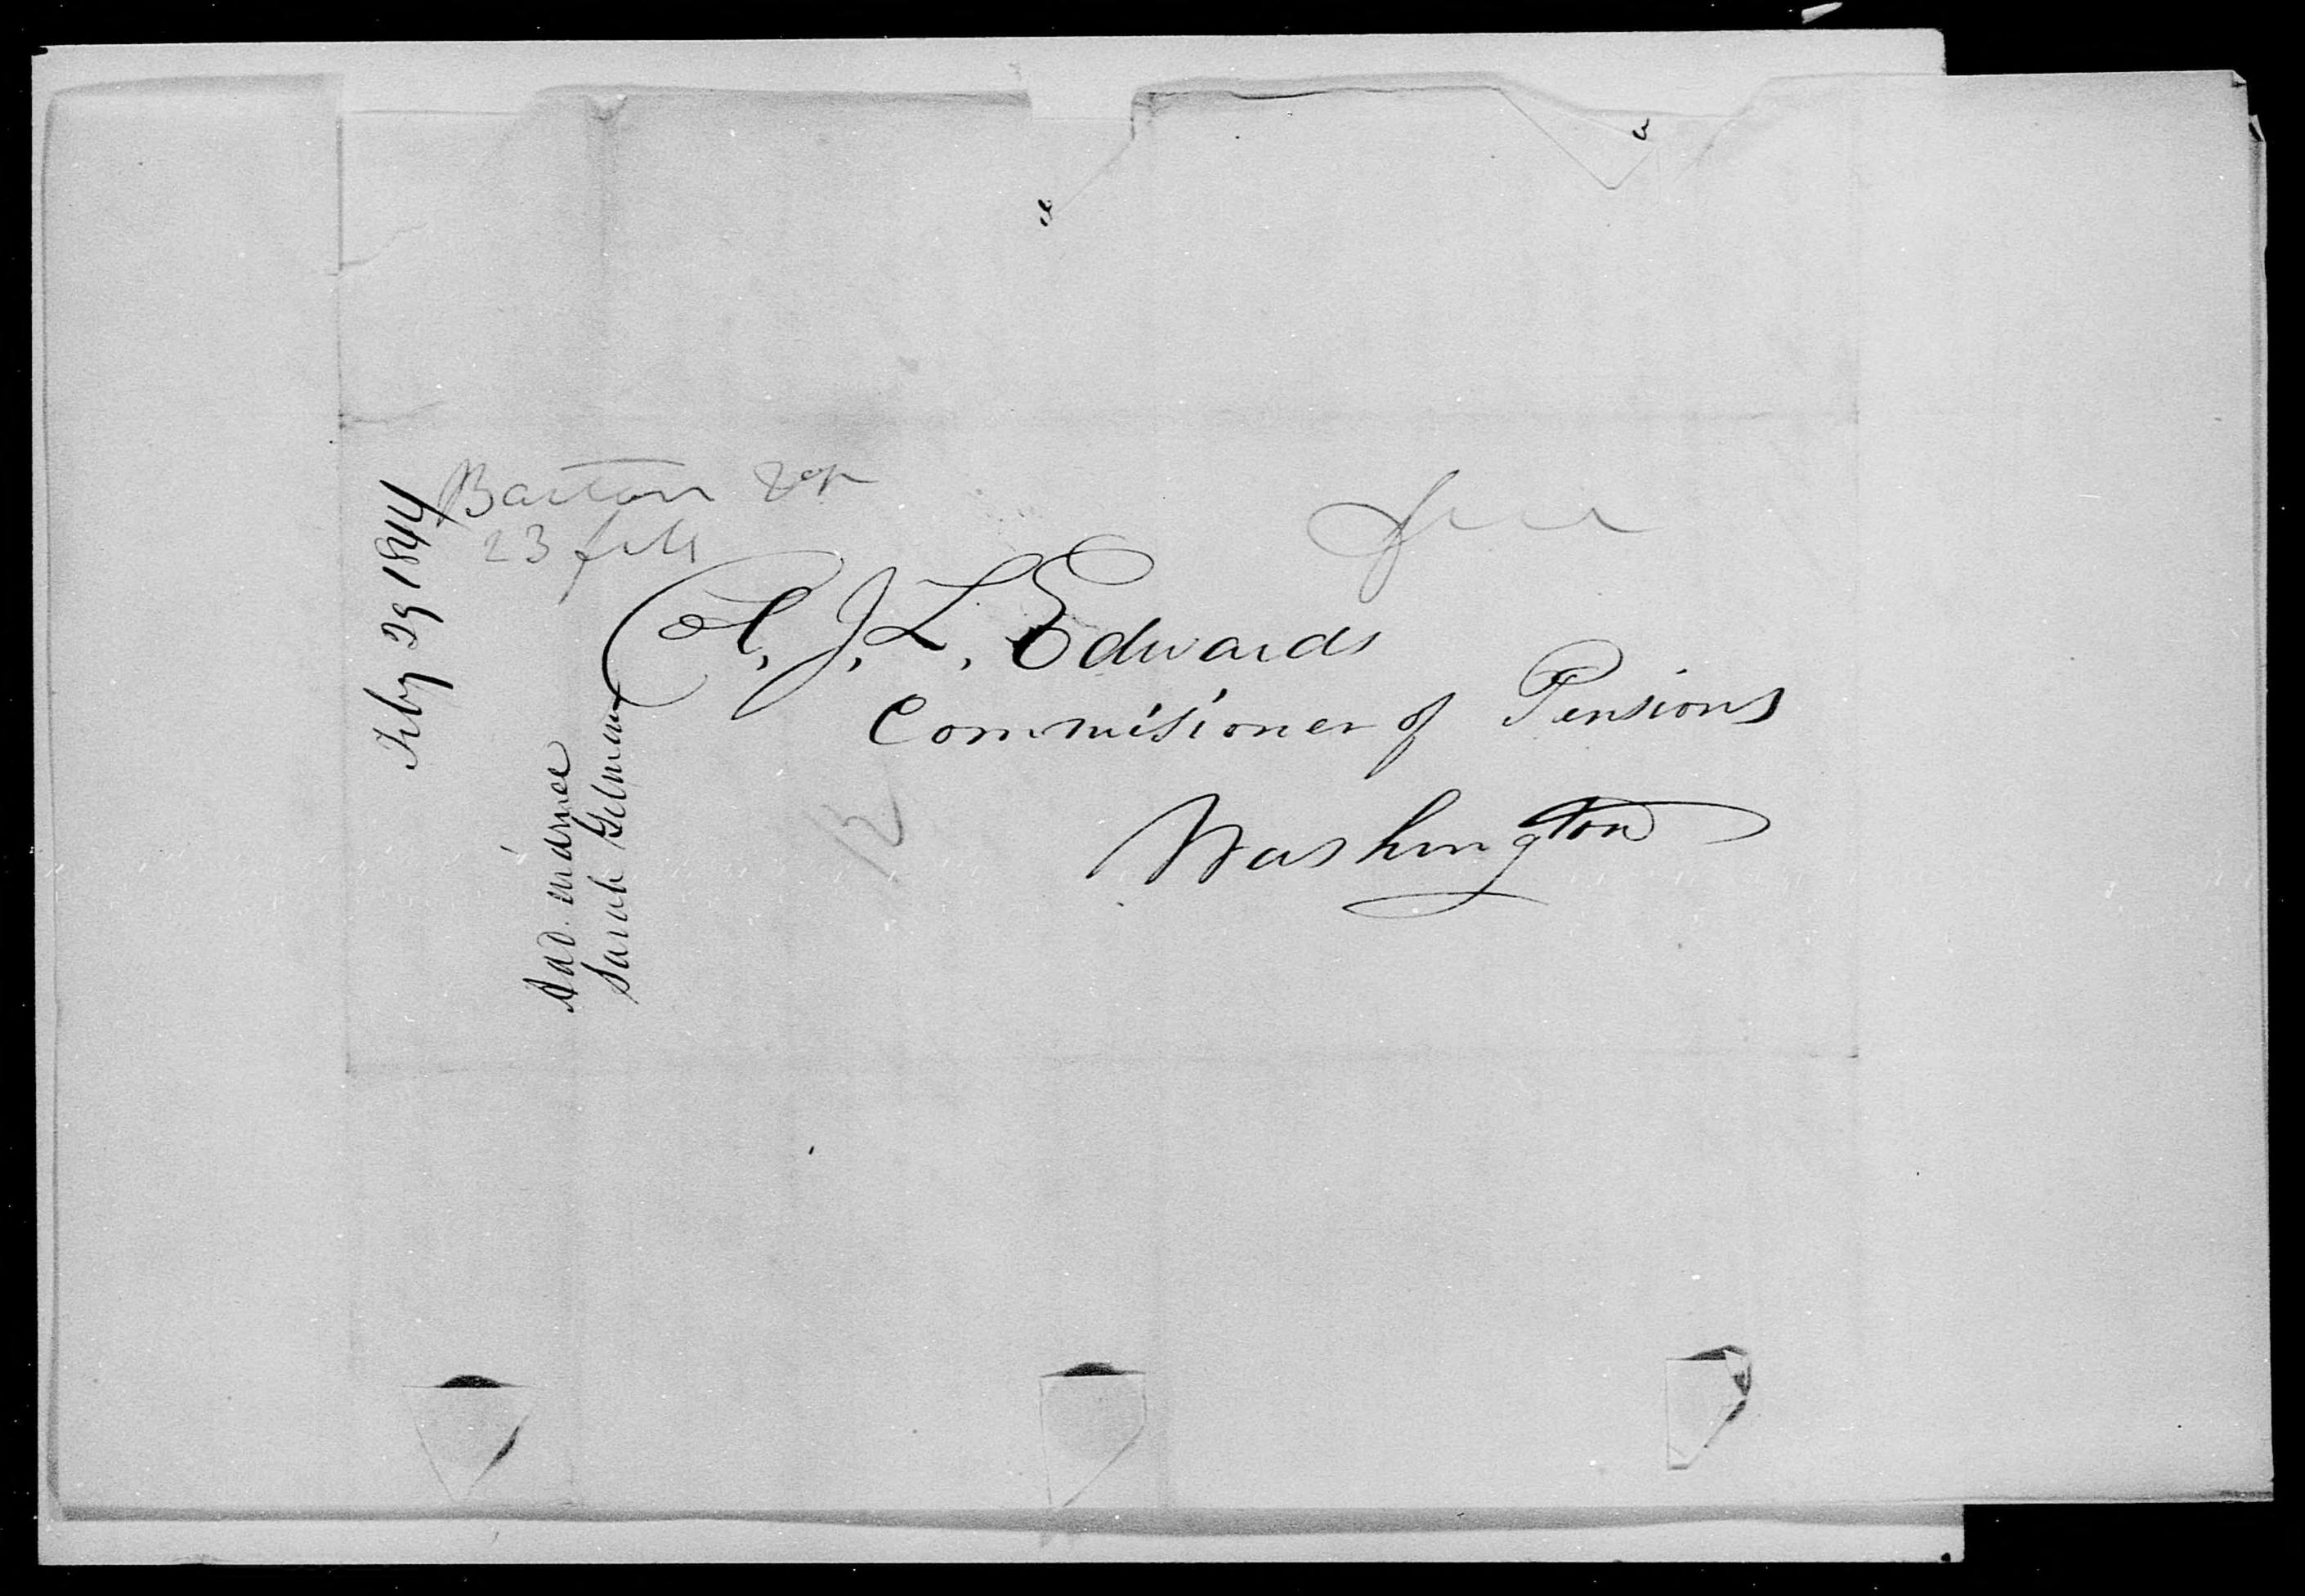Barton Vt
23 feb.                   free

Col. J. L. Edwards
Commissioner of Pensions
Washington

[written along left margin perpendicular to address]:

Feby 29 1844

Add evidence
Sarah Gilman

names: Sarah Gilman, J L Edwards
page: 30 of 61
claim: widow's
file: W. 19500, Samuel Thing Gilman, Continental N.H.